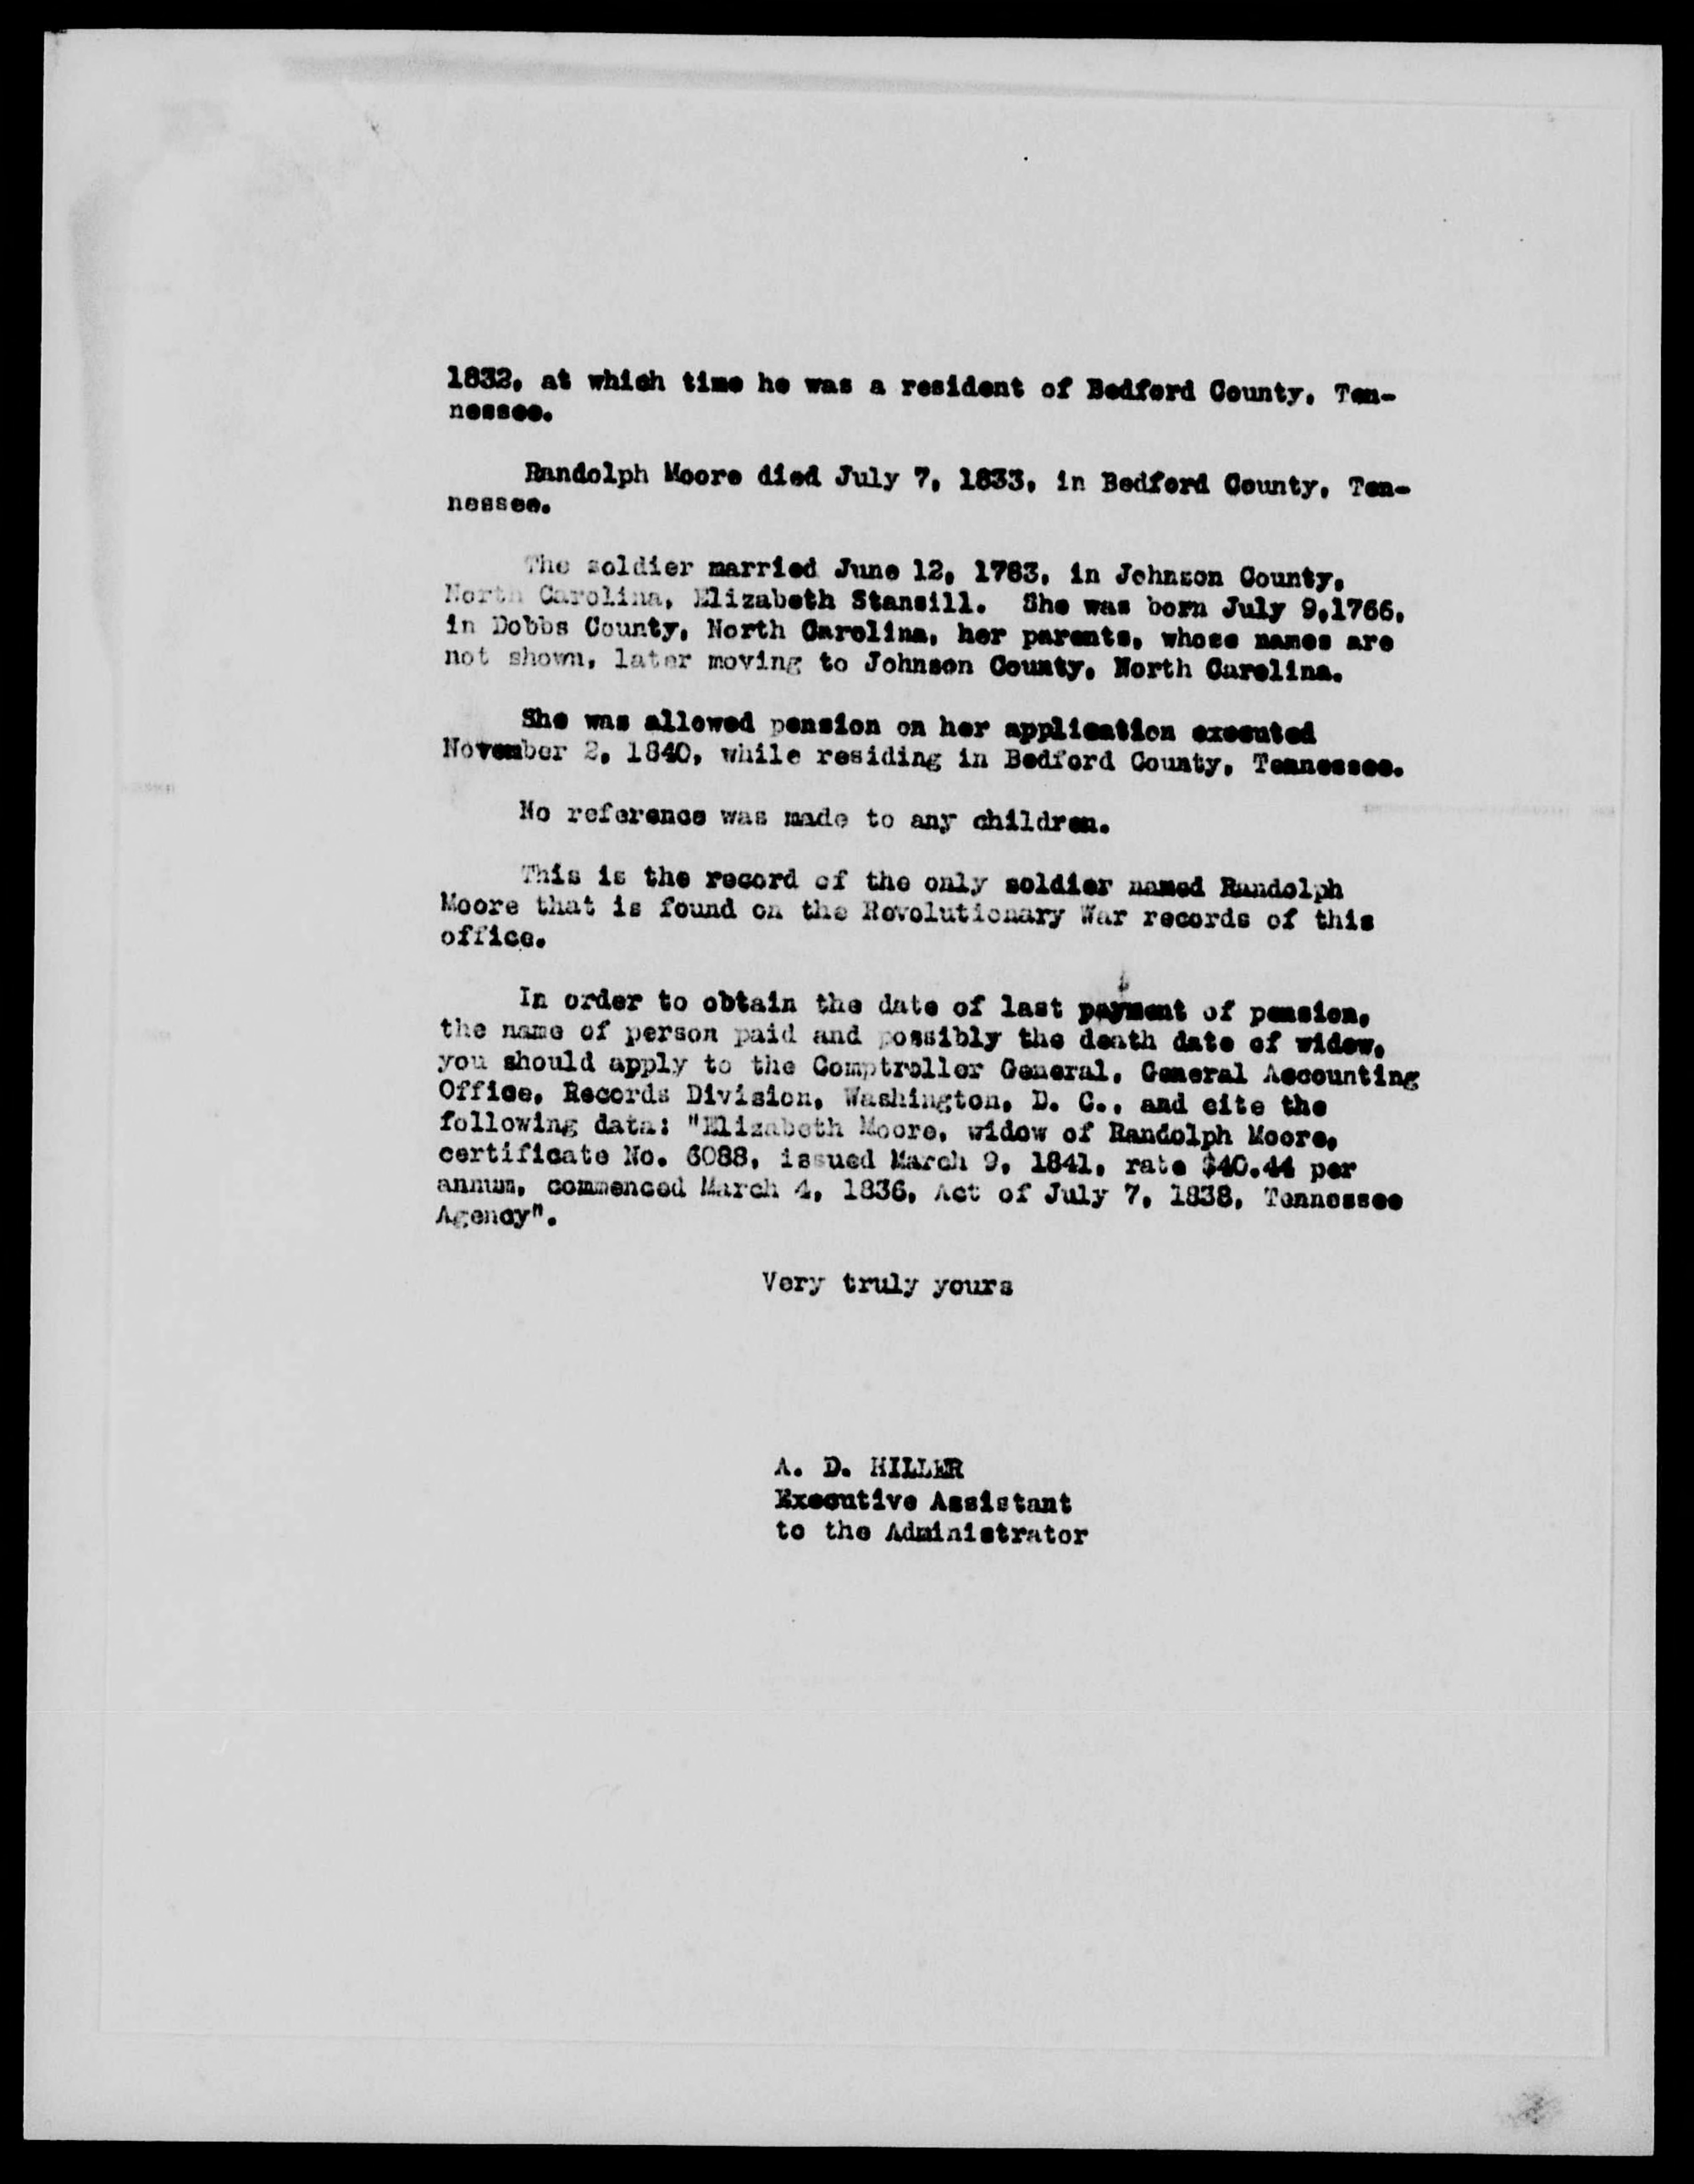1832, at which time he was a resident of Bedford County, Tennessee. Randolph Moore died July 7, 1833, in Bedford County, Tennessee. 
The soldier married June 12, 1783, in Johnson County, North Carolina, Elizabeth Stansill. She was born July 9, 1766, in Dobbs County, North Carolina, her parents, whose names are
not shown, later moving to Johnson County, North Carolina. She was allowed pension on her application executed November 2, 1840, while residing in Bedford County, Tennessee.
No reference was made to any children.
This is the record of the only soldier named Randolph Moore that is found on the Revolutionary War records of this office.
In order to obtain the date of last payment of pension, the name of person paid and possibly the death date of widow, you should apply to the Comptroller General, General Accounting
Office, Records Division, Washington, D. C., and cite the following data: 
"Elizabeth Moore, widow of Randolph Moore,
certificate No. 6088, issued March 9, 1841, rate $40.44 per annum, commenced March 4, 1836, Act of July 7, 1838, Tennessee
Agency".
Very truly yours
A. D. HILLER
Executive Assistant.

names: A D Hiller; Randolph Moore; Elizabeth Moore; Elizabeth Stansill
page: 19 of 33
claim: widow's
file: W. 52, for Randolph Moore, North Carolina